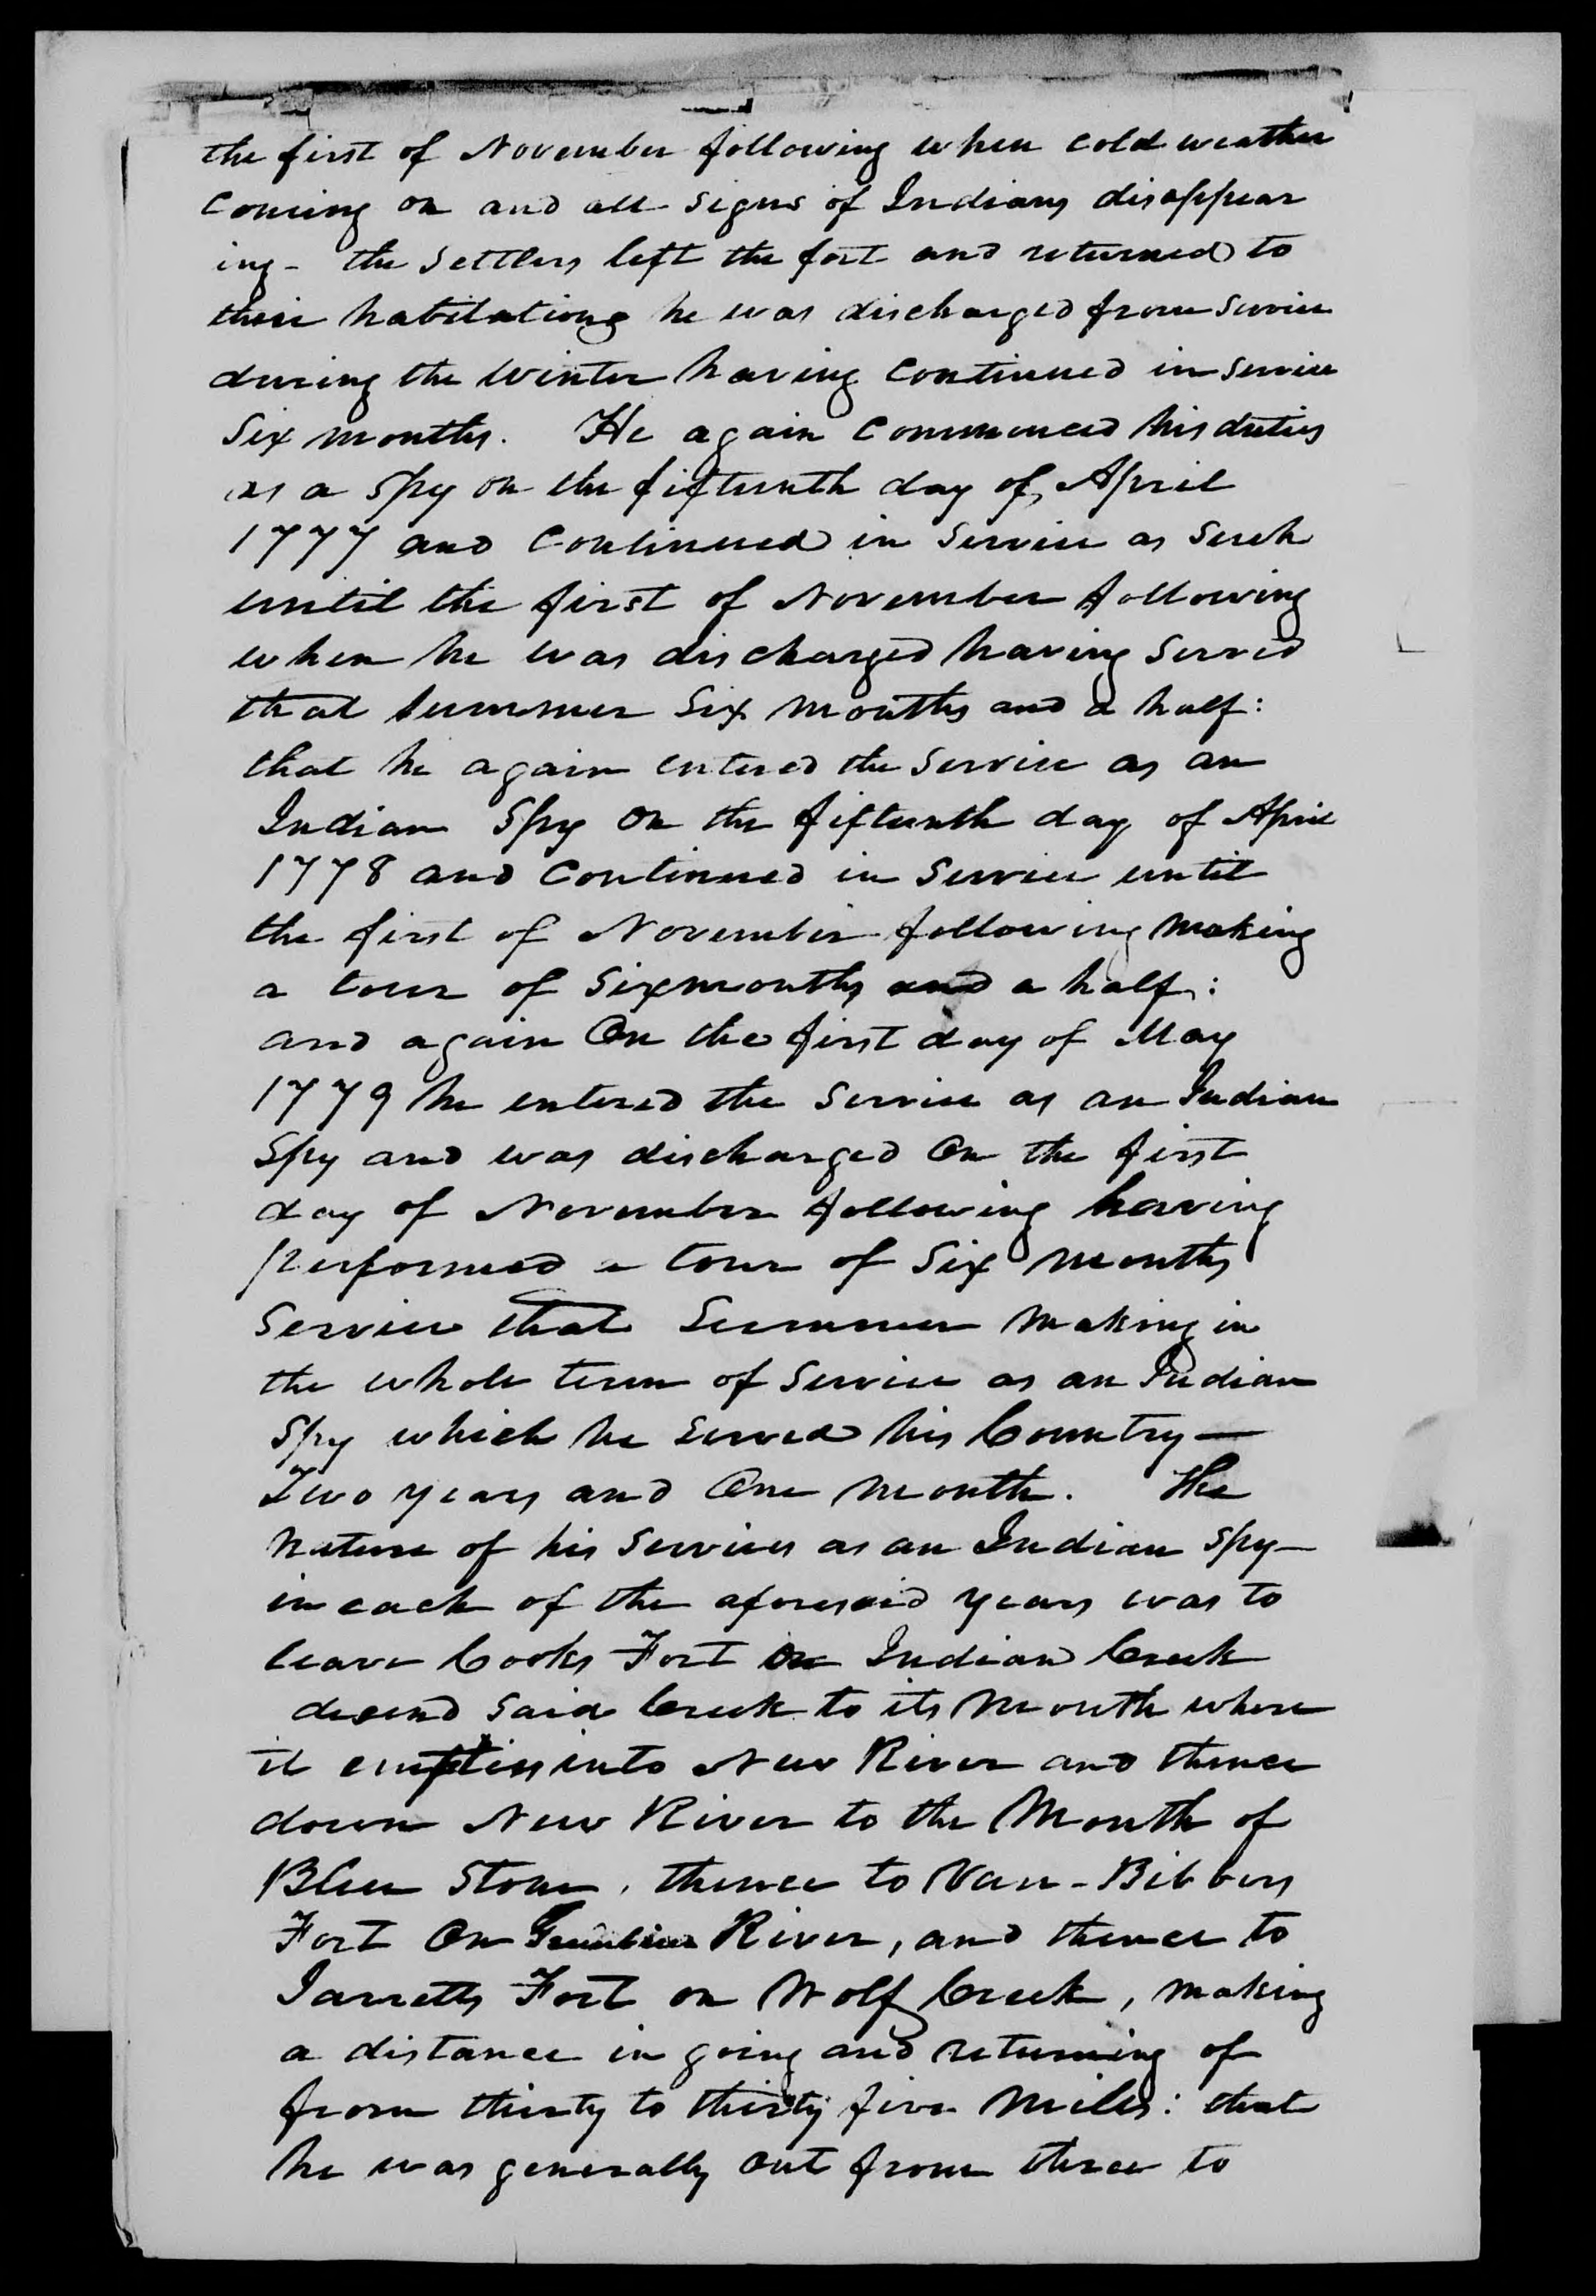the first of November following when cold weather
coming on and all signs of Indians disappear
in the settlers left the fort and returned to
their habitation he was discharged from service
during the winter having continued in service
six months. He again commenced his duties
as a spy on the fifteenth day of April
1777 and continued in service as such
until the first of November following
when he was discharged having served
that summer six months and a half:
that he again entered the service as an
Indian Spy on the fifteenth day of April
1778 and continued in service until
the first of November following making
a tour of six months and a half:
and again on the first day of May
1779 he entered the service as an Indian
Spy and was discharged on the first
day of November following having
performed a tour of six months
service that summer making in
the whole term of service as an Indian
Spy which he served his Country
two years and one month.
The
nature of his services as an Indian Spy in
each of the aforesaid years was to
leave Cooks Fort on Indian Creek
descend said Creek to its mouth where
it empties into New River and thence
down New River to the month of
Blue Stone, thence to Van Bibbon
Fort on Fenton River, and thence to
Janet Fort on Wolf Creek, making
a distance in going and returning of
from thirty to thirty five miles: that
he was generally out from thence to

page: 4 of 16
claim: rejected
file: R 10366, for Michael Swope, Virginia